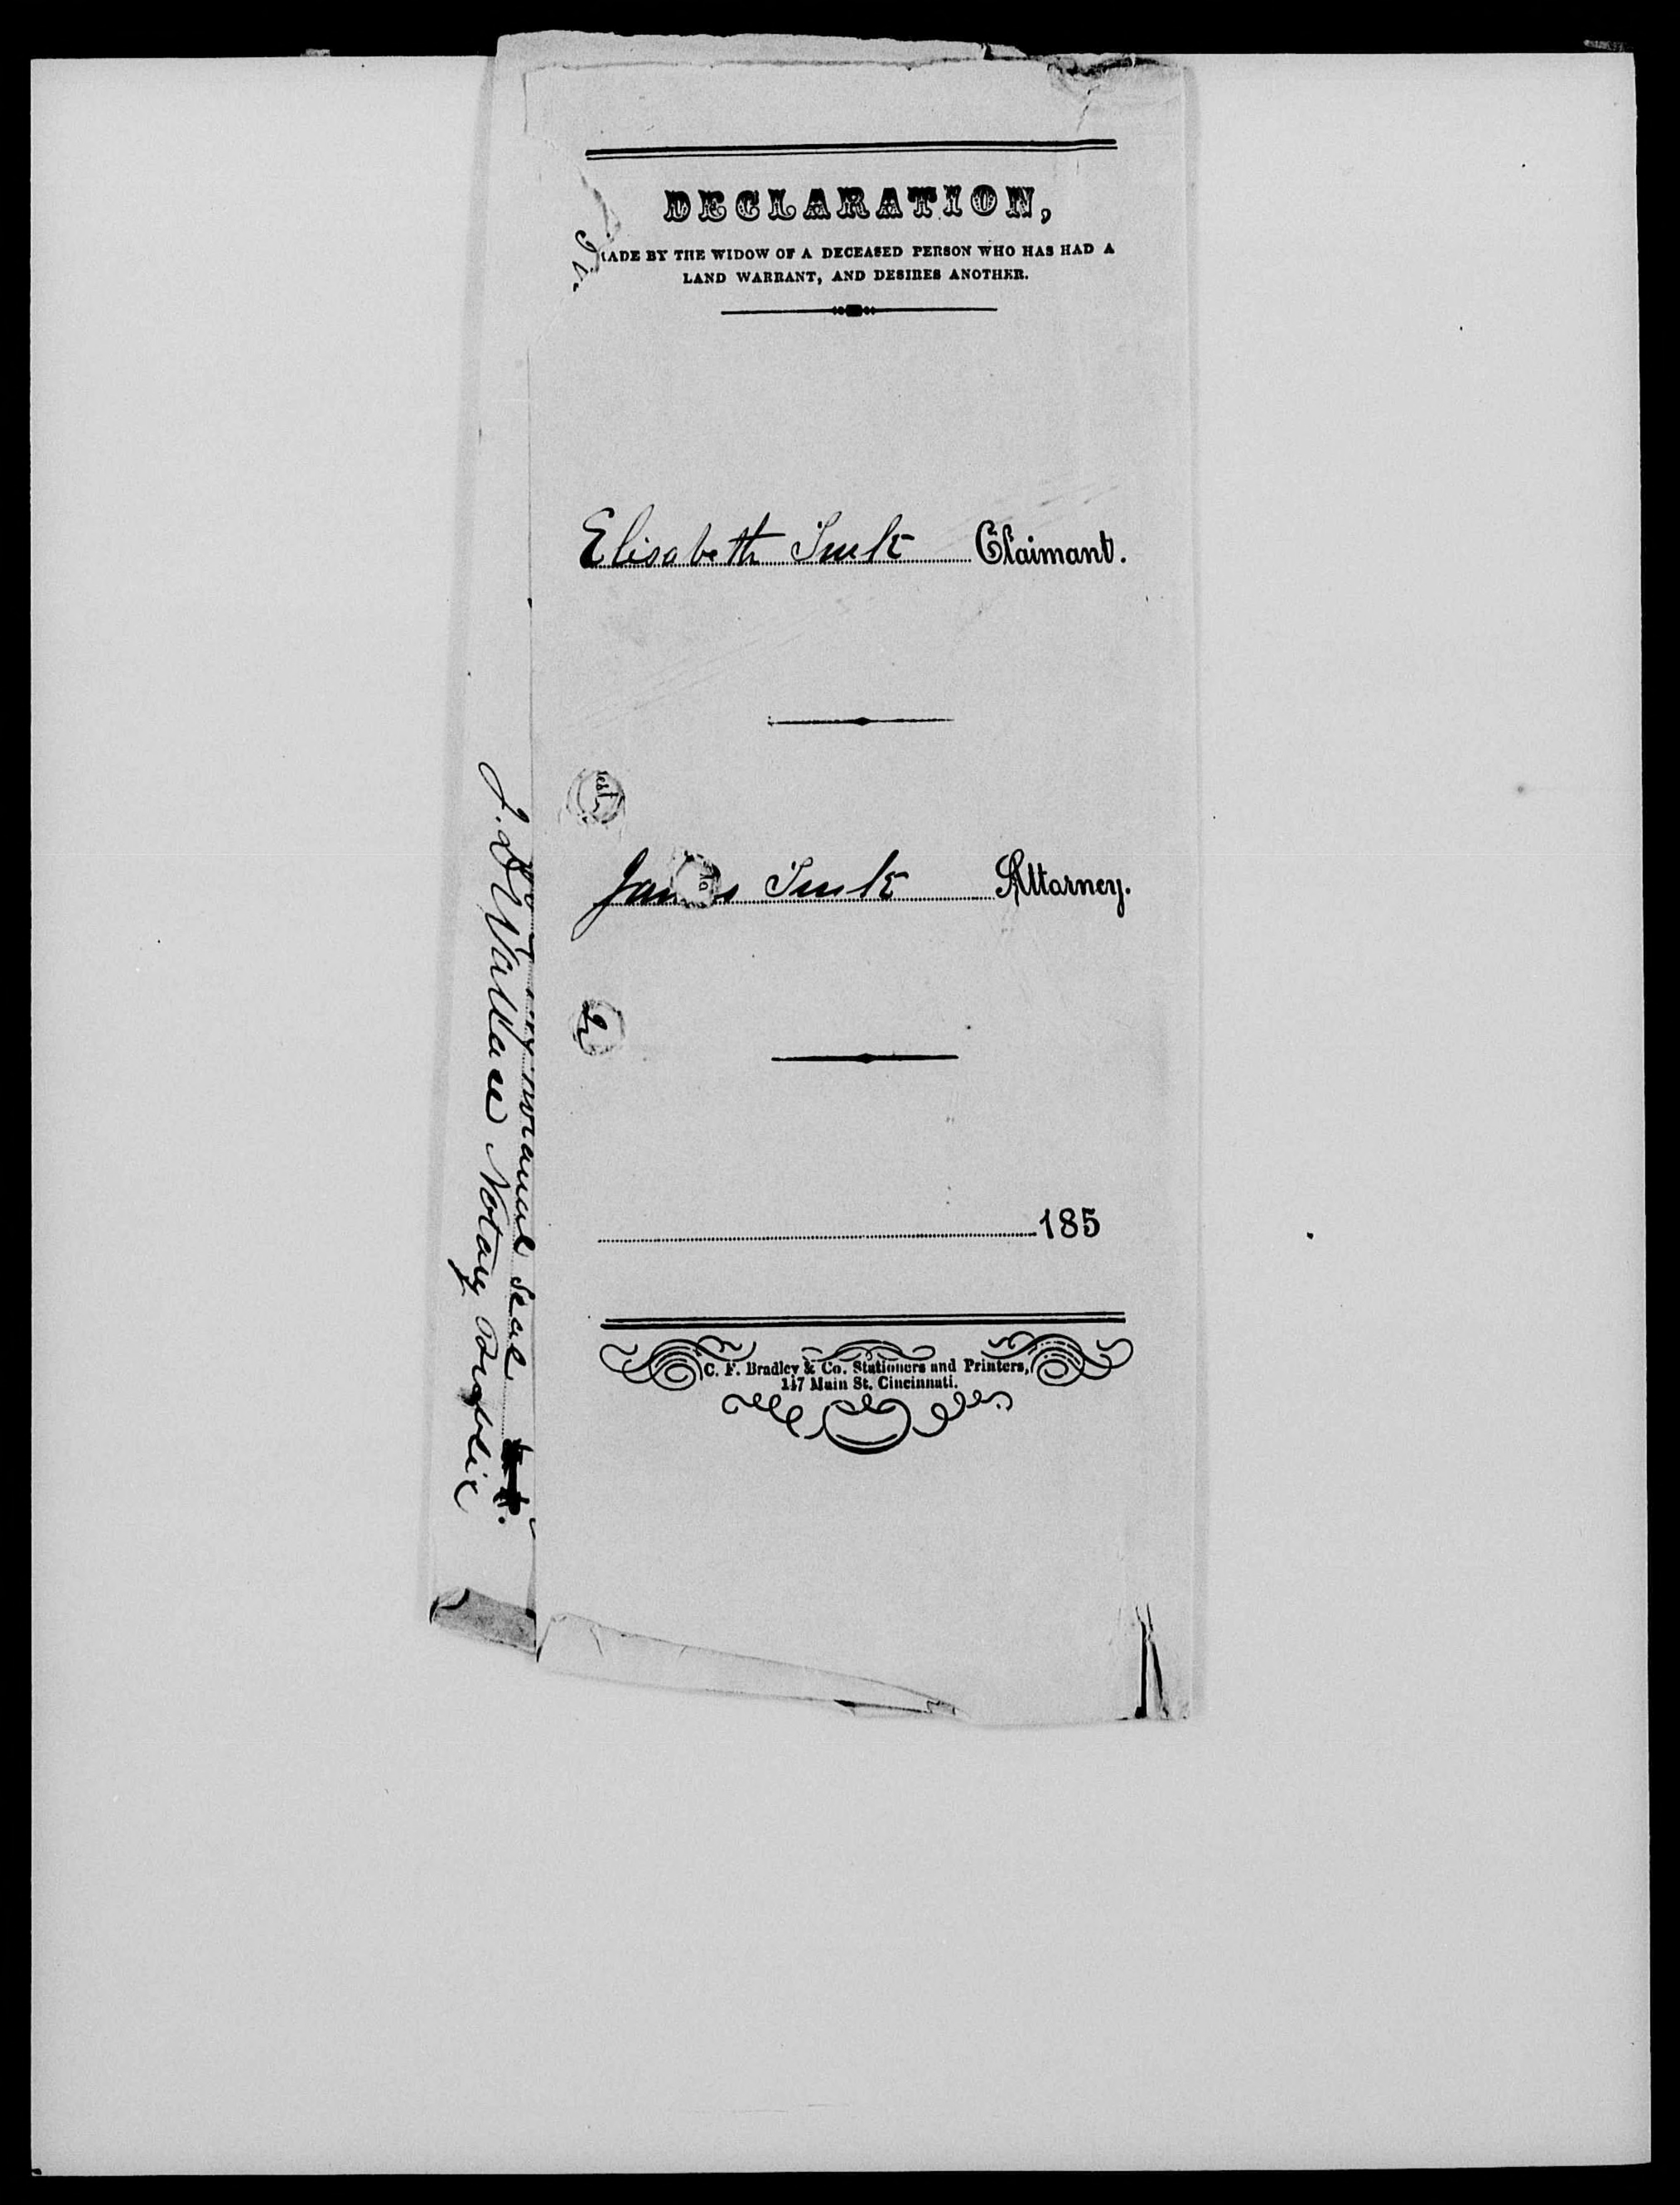DECLARATION.
MADE IF THE WINDOW OF A DECEASED PERSON WHO WAS A
LAND WARRANT, AND DESIRES ANOTHER.

Elizabeth Turk Claimant

James Turk Attorney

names: James Turk; C F Bradley; J D Wallace; Elisabeth Turk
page: 27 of 57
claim: widow's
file: W. 25,739, for James Murphey, Pennsylvania